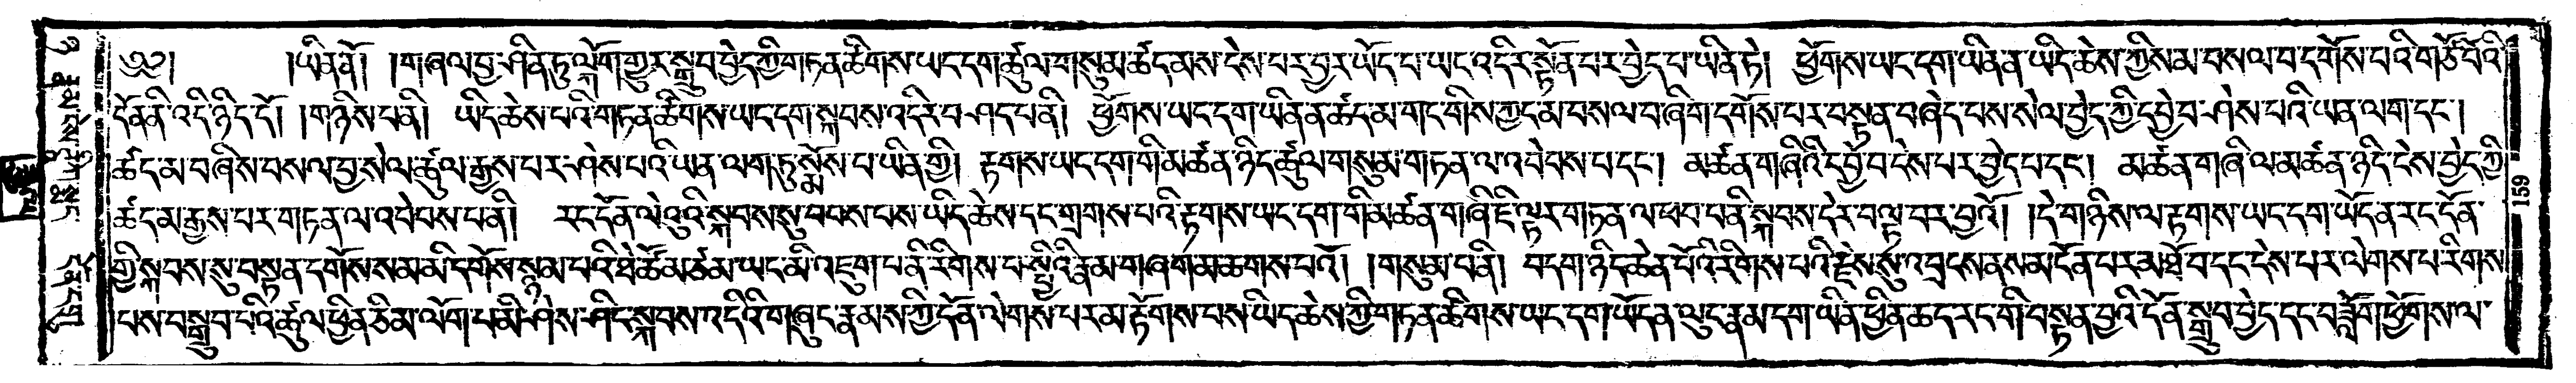༄༅། །ཡིན་ནོ། །གཞལ་བྱ་ཤིན་ཏུ་ལྐོག་གྱུར་སྒྲུབ་བྱེད་ཀྱི་གཏན་ཚིགས་ཡང་དག་ཚུལ་གསུམ་ཚད་མས་ངེས་པར་བྱར་ཡོད་པ་ཡང་འདིར་སྟོན་པར་བྱེད་པ་ཡིན་ཏེ། ཕྱོགས་ཡང་དག་ཡིན་ན་ཡིད་ཆེས་ཀྱིས་མ་བསལ་བ་དགོས་པའི་གཙོ་བོའི་
དོན་ནི་འདི་ཉིད་དོ། །གཉིས་པ་ནི། ཡིད་ཆེས་པའི་གཏན་ཚིགས་ཡང་དག་སྐབས་འདིར་བཤད་པ་ནི། ཕྱོགས་ཡང་དག་ཡིན་ན་ཚད་མ་གང་གིས་ཀྱང་མ་བསལ་བ་ཞིག་དགོས་པར་བསྟན་བཞེད་པས་སེལ་བྱེད་ཀྱི་དབྱེ་བ་ཤེས་པའི་ཡན་ལག་དང་།
ཚད་མ་བཞིས་བསལ་བྱ་སེལ་ཚུལ་རྒྱས་པར་ཤེས་པའི་ཡན་ལག་ཏུ་སྨོས་པ་ཡིན་གྱི། རྟགས་ཡང་དག་གི་མཚན་ཉིད་ཚུལ་གསུམ་གཏན་ལ་འབེབས་པ་དང་། མཚན་གཞིའི་དབྱེ་བ་ངེས་པར་བྱེད་པ་དང་། མཚན་གཞི་ལ་མཚན་ཉིད་ངེས་བྱེད་ཀྱི་
ཚད་མ་རྒྱས་པར་གཏན་ལ་འབེབས་པ་ནི། རང་དོན་ལེའུའི་སྐབས་སུ་བབས་པས་ཡིད་ཆེས་དང་གྲགས་པའི་རྟགས་ཡང་དག་གི་མཚན་གཞི་ཇི་ལྟར་གཏན་ལ་ཕབ་པ་ནི་སྐབས་དེར་བལྟ་བར་བྱའོ། །དེ་གཉིས་ལ་རྟགས་ཡང་དག་ཡོད་ན་རང་དོན་
གྱི་སྐབས་སུ་བསྟན་དགོས་སམ་མི་དགོས་སྙམ་པའི་ཐེ་ཚོམ་ཙམ་ཡང་མི་འཇུག་པ་ནི་རིགས་པ་སྤྱིའི་རྣམ་གཞག་མ་ཆགས་པའོ། །གསུམ་པ་ནི། བདག་ཉིད་ཆེན་པོའི་རིགས་པའི་རྗེས་སུ་འབྲངས་ནས་མངོན་པར་མཐོ་བ་དང་དེས་པར་ལེགས་པ་རིགས་
པས་བསྒྲུབ་པའི་ཚུལ་ཕྱིན་ཅིམ་ལོག་པ་མི་ཤེས་ཤིང་སྐབས་འདིའི་གཞུང་རྣམས་ཀྱི་དོན་ལེགས་པར་མ་རྟོགས་པས་ཡིད་ཆེས་ཀྱི་གཏན་ཚིགས་ཡང་དག་ཡོད་ན་ལུང་རྣམ་དག་ཡིན་ཕྱིན་ཆད་རང་གི་བསྟན་བྱའི་དོན་སྒྲུབ་བྱེད་དང་བཟློག་ཕྱོགས་ལ་